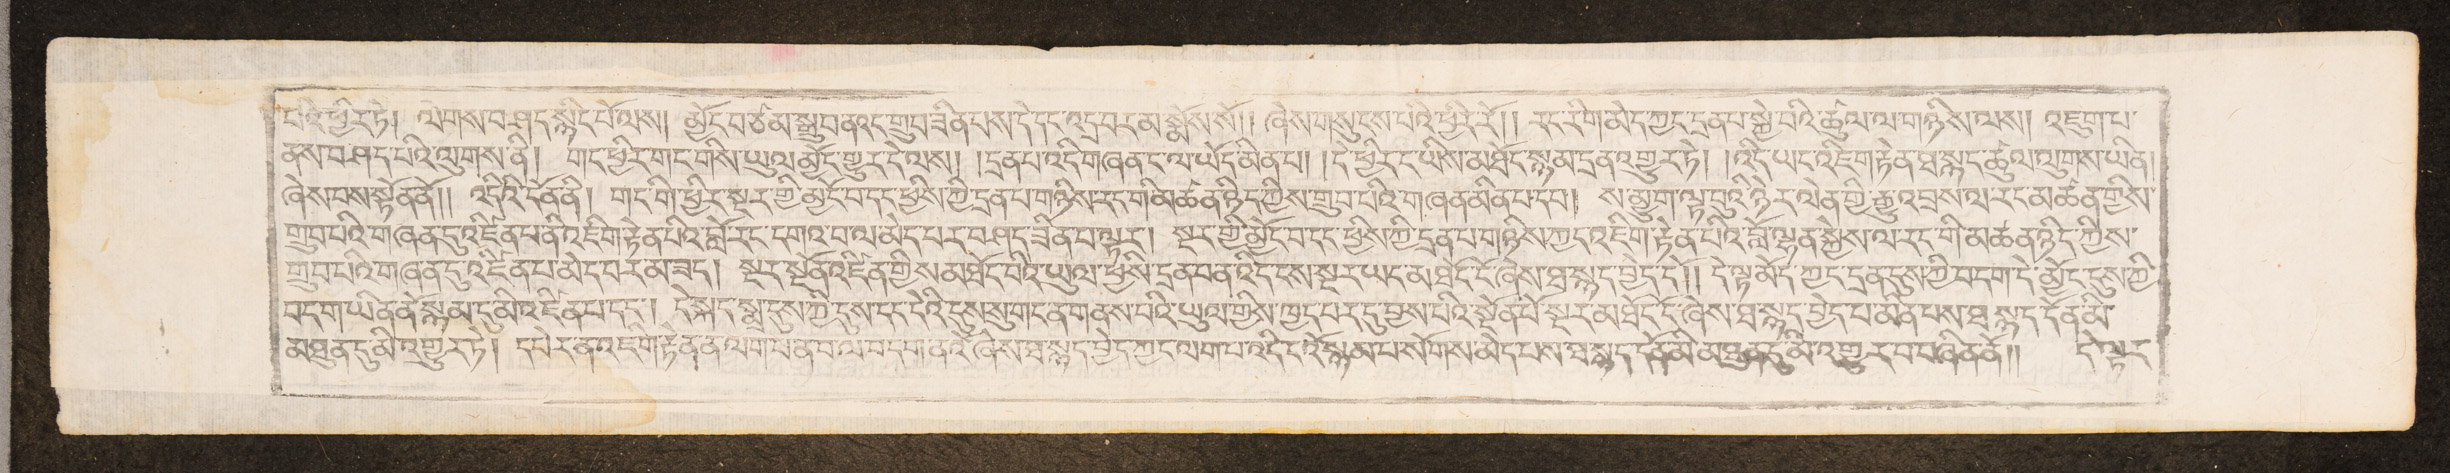པའི་ཕྱིར་ཏེ། ལེགས་བཤད་སྙིང་པོ་ལས། མྱོང་བ་ཙམ་སྒྲུབ་ནའང་གྲུབ་ཟིན་པས་དེ་དང་འདྲ་བར་མ་སྨོས་སོ། །ཞེས་གསུངས་པའི་ཕྱིར་རོ། །རང་རིག་མེད་ཀྱང་དྲན་པ་སྐྱེ་བའི་ཚུལ་ལ་གཉིས་ལས། འཇུག་པ་
ནས་བཤད་པའི་ལུགས་ནི། གང་ཕྱིར་གང་གིས་ཡུལ་མྱོང་གྱུར་དེ་ལས། །དྲན་པ་འདི་གཞན་ང་ལ་ཡོད་མིན་པ། །དེ་ཕྱིར་ང་ཡིས་མཐོང་སྙམ་དྲན་འགྱུར་ཏེ། །འདི་ཡང་འཇིག་རྟེན་ཐ་སྙད་ཚུལ་ལུགས་ཡིན་
ཞེས་པས་སྟོན་ནོ། །འདིའི་དོན་ནི། གང་གི་ཕྱིར་སྔར་གྱི་མྱོང་བ་དང་ཕྱིས་ཀྱི་དྲན་པ་གཉིས་རང་གི་མཚན་ཉིད་ཀྱིས་གྲུབ་པའི་གཞན་མིན་པ་དང་། ས་མྱུག་ལྟ་བུའི་ཉེར་ལེན་གྱི་རྒྱུ་འབྲས་ལ་རང་མཚན་གྱིས་
གྲུབ་པའི་གཞན་དུ་འཛིན་པ་ནི་འཇིག་རྟེན་པའི་བློ་རང་དགའ་བ་ལ་མེད་པར་བཤད་ཟིན་པ་ལྟར། སྔར་གྱི་མྱོང་བ་དང་ཕྱིས་ཀྱི་དྲན་པ་གཉིས་ཀྱང་འཇིག་རྟེན་པའི་བློ་ལྷན་སྐྱེས་ལ་རང་གི་མཚན་ཉིད་ཀྱིས་
གྲུབ་པའི་གཞན་དུ་འཛིན་པ་མེད་པར་མ་ཟད། སྔར་སྔོན་འཛིན་གྱིས་མཐོང་བའི་ཡུལ་ཕྱིས་དྲན་བ་ན་འདི་ངས་སྔར་ཡང་མཐོང་ངོ་ཞེས་ཐ་སྙད་བྱེད་དོ།། དེ་ལྟ་མོད་ཀྱང་དྲན་དུས་ཀྱི་བདག་དེ་མྱོང་དུས་ཀྱི་
བདག་ཡིན་ནོ་སྙམ་དུ་མི་འཛིན་པ་དང་། དེ་སྐད་སྨྲ་དུས་ཀྱི་དུས་དང་དེའི་དུས་སུ་གང་ན་གནས་པའི་ཡུལ་གྱིས་ཁྱད་པར་དུ་བྱས་པའི་སྔོན་པོ་སྔར་མཐོང་ངོ་ཞེས་ཐ་སྙད་བྱེད་པ་མིན་པས་ཐ་སྙད་དོན་མི་
མཐུན་དུ་མི་འགྱུར་ཏེ། དཔེར་ན་འཇིག་རྟེན་ན་ལག་པ་ན་བ་ལ་བདག་ནའོ་ཞེས་ཐ་སྙད་བྱེད་ཀྱང་ལག་པ་འདི་ངའོ་སྙམ་པ་སོགས་མེད་པས་ཐ་སྙད་དོན་མི་མཐུན་དུ་མི་འགྱུར་བ་བཞིན་ནོ།། དེ་ལྟར་